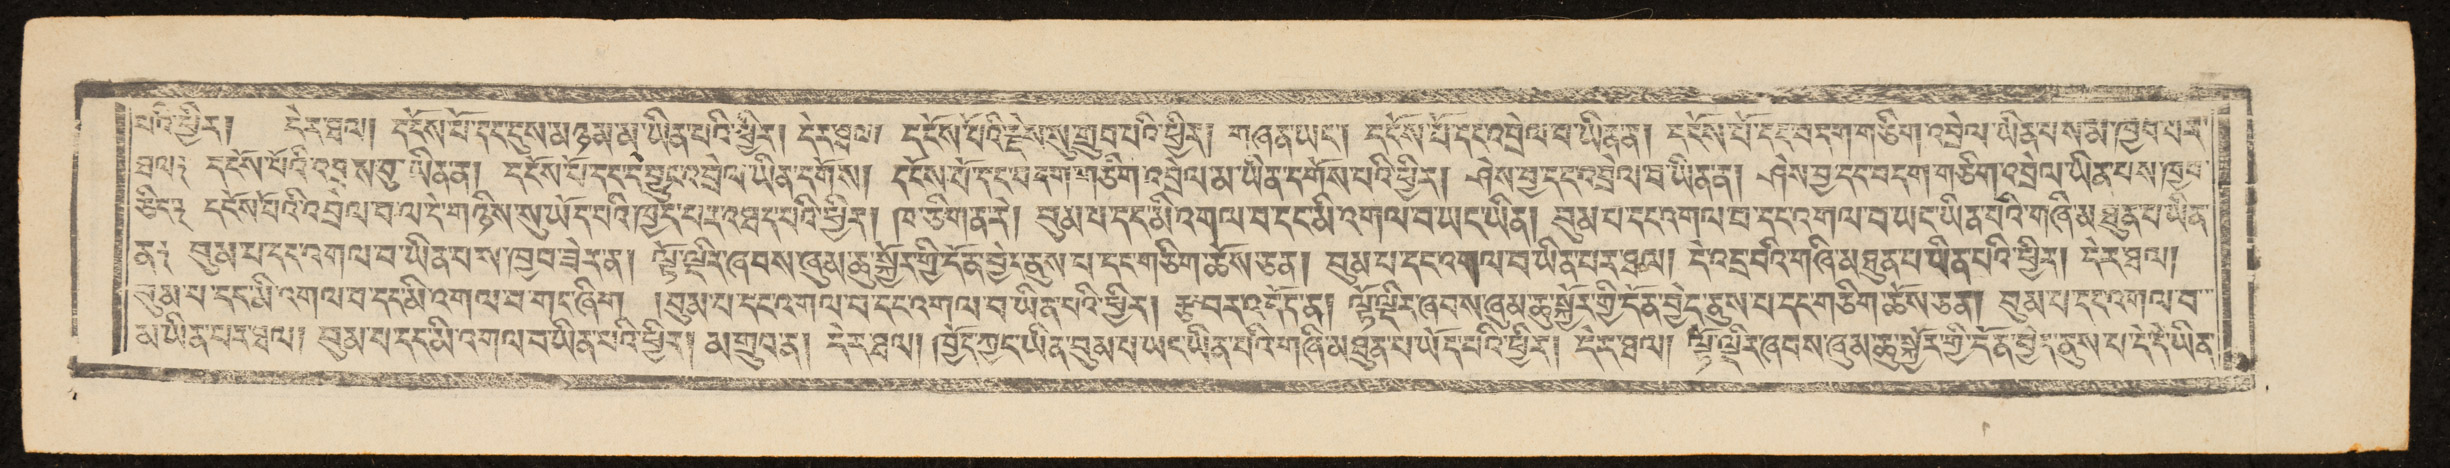པའི་ཕྱིར། དེར་ཐལ། དངོས་པོ་དང་དུས་མཉམ་མ་ཡིན་པའི་ཕྱིར། དེར་ཐལ། དངོས་པོའི་རྗེས་སུ་གྲུབ་པའི་ཕྱིར། གཞན་ཡང་། དངོས་པོ་དང་འབྲེལ་བ་ཡིན་ན། དངོས་པོ་དང་བདག་གཅིག་འབྲེལ་ཡིན་པས་མ་ཁྱབ་པར་
ཐལ། དངོས་པོའི་འབྲས་བུ་ཡིན་ན། དངོས་པོ་དང་དེ་བྱུང་འབྲེལ་ཡིན་དགོས། དངོས་པོ་དང་བདག་གཅིག་འབྲེལ་མ་ཡིན་དགོས་པའི་ཕྱིར། ཤེས་བྱ་དང་འབྲེལ་བ་ཡིན་ན། ཤེས་བྱ་དང་བདག་གཅིག་འབྲེལ་ཡིན་པས་ཁྱབ་
ཅིང་། དངོས་པོའི་འབྲེལ་བ་ལ་དེ་གཉིས་སུ་ཡོད་པའི་ཁྱད་པར་འཐད་པའི་ཕྱིར། ཁ་ཅིག་ན་རེ། བུམ་པ་དང་མི་འགལ་བ་དང་མི་འགལ་བ་ཡང་ཡིན། བུམ་པ་དང་འགལ་བ་དང་འགལ་བ་ཡང་ཡིན་པའི་གཞི་མཐུན་པ་ཡིན་
ན། བུམ་པ་དང་འགལ་བ་ཡིན་པས་ཁྱབ་ཟེར་ན། ལྟོ་ལྡིར་ཞབས་ཞུམ་ཆུ་སྐྱོར་གྱི་དོན་བྱེད་ནུས་པ་དང་གཅིག་ཆོས་ཅན། བུམ་པ་དང་འགལ་བ་ཡིན་པར་ཐལ། དེ་འདྲ་བའི་གཞི་མཐུན་པ་ཡིན་པའི་ཕྱིར། དེར་ཐལ།
བུམ་པ་དང་མི་འགལ་བ་དང་མི་འགལ་བ་གང་ཞིག །བུམ་པ་དང་འགལ་བ་དང་འགལ་བ་ཡིན་པའི་ཕྱིར། རྩ་བར་འདོད་ན། ལྟོ་ལྡིར་ཞབས་ཞུམ་ཆུ་སྐྱོར་གྱི་དོན་བྱེད་ནུས་པ་དང་གཅིག་ཆོས་ཅན། བུམ་པ་དང་འགལ་བ་
མ་ཡིན་པར་ཐལ། བུམ་པ་དང་མི་འགལ་བ་ཡིན་པའི་ཕྱིར། མ་གྲུབ་ན། དེར་ཐལ། ཁྱོད་ཀྱང་ཡིན་བུམ་པ་ཡང་ཡིན་པའི་གཞི་མཐུན་པ་ཡོད་པའི་ཕྱིར། དེར་ཐལ། ལྟོ་ལྡིར་ཞབས་ཞུམ་ཆུ་སྐྱོར་གྱི་དོན་བྱེད་ནུས་པ་དེ་དེ་ཡིན་